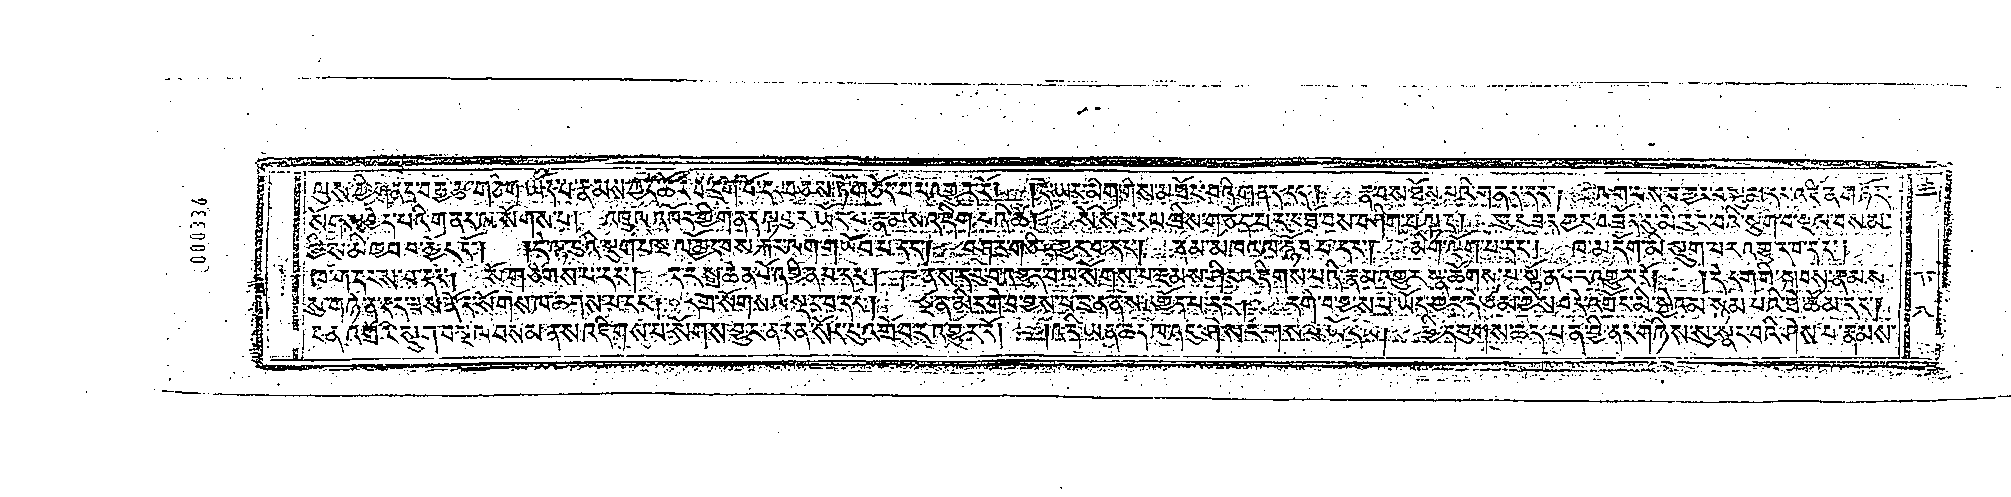ལུས་ཀྱི་གནད་བརྒྱ་རྩ་གཅིག་ཡོད་པ་རྣམས་ཀྱང་ཚོར་བ་དྲག་བོ་དང་བཅས་ཏེ་གཅོད་པར་འགྱུར་རོ། །དེ་ཡང་མིག་གིས་མཐོང་བའི་གནད་དང་། རྣ་བས་ཐོས་པའི་གནད་དང་། ལག་པས་བརྐྱང་བསྐུམ་དང་འཛིན་གཏོང་
སོགས་བྱེད་པའི་གནང་ལ་སོགས་པ། འཁྲུལ་འཁོར་གྱི་གནད་ལྟ་བུར་ཡོད་བ་རྣམས་འཇིག་པའི་ཚེ། སོ་སོར་རལ་གྲིས་གཅོད་པ་དང་ཐོབས་བ་ཤིག་པ་ལྟར། ཅུང་ཟད་ཀྱང་བཟོད་དུ་མི་རུང་བའི་སྡུག་བསྔལ་བསམ་
གྱིས་མི་ཁྱབ་པ་མྱོང་ངོ། །དེ་ལྟ་བུའི་སྡུག་བསྔལ་མྱོང་བས་རྐང་ལག་གཡོབ་པ་དང་། བཤད་གཅི་འབྱུང་བ་དང་། ནམ་མཁའ་ལ་རྙོབ་པ་དང་། མིག་ལྡོག་པ་དང་། ཁ་མདོག་མི་སྡུག་པར་འགྱུར་བ་དང་།
ཁ་གདངས་པ་དང་། སོ་གཙིགས་པ་དང་། དར་སྒྲ་ཆེན་པོ་འབྱིན་པ་དང་། ཁ་ནས་དབུབ་འབྱུང་བ་ལ་སོགས་པ་རྔམས་ཤིང་འཇིགས་པའི་རྣམ་འགྱུར་སྣ་ཚོགས་པ་སྟོན་པར་འགྱུར་རོ། །དེ་དག་གི་སྐབས་རྣམས་
སུ་གཉེན་དང་ཟས་ནོར་སོགས་ལ་ཆགས་པ་དང་། དགྲ་སོགས་ལ་སྡང་བ་དང་། སྔོན་མི་དགེ་བ་བྱས་པ་དྲན་ནས་འགྱོད་པ་དང་། དགེ་བ་བྱས་པ་ཡོད་ཀྱང་དེ་ཙམ་གྱིས་བདེ་འགྲོང་མི་སྐྱེའམ་སྙམ་པའི་ཐེ་ཚོམ་དང་།
ངན་འགྲོའི་སྡུག་བསྔལ་བསམ་ནས་འཇིགས་པ་སོགས་བྱུང་ན་ངན་སོང་དུ་འགྲོ་བར་འགྱུར་རོ། །འདི་ཡན་ཆད་ལ་འདུ་ཤེས་རགས་པ་ཡོད་ལ། ཕྱི་དབུགས་ཆད་པ་ན་ཕྱི་ནང་གཉིས་སུ་སྣང་བའི་ཤེས་པ་རྣམས་